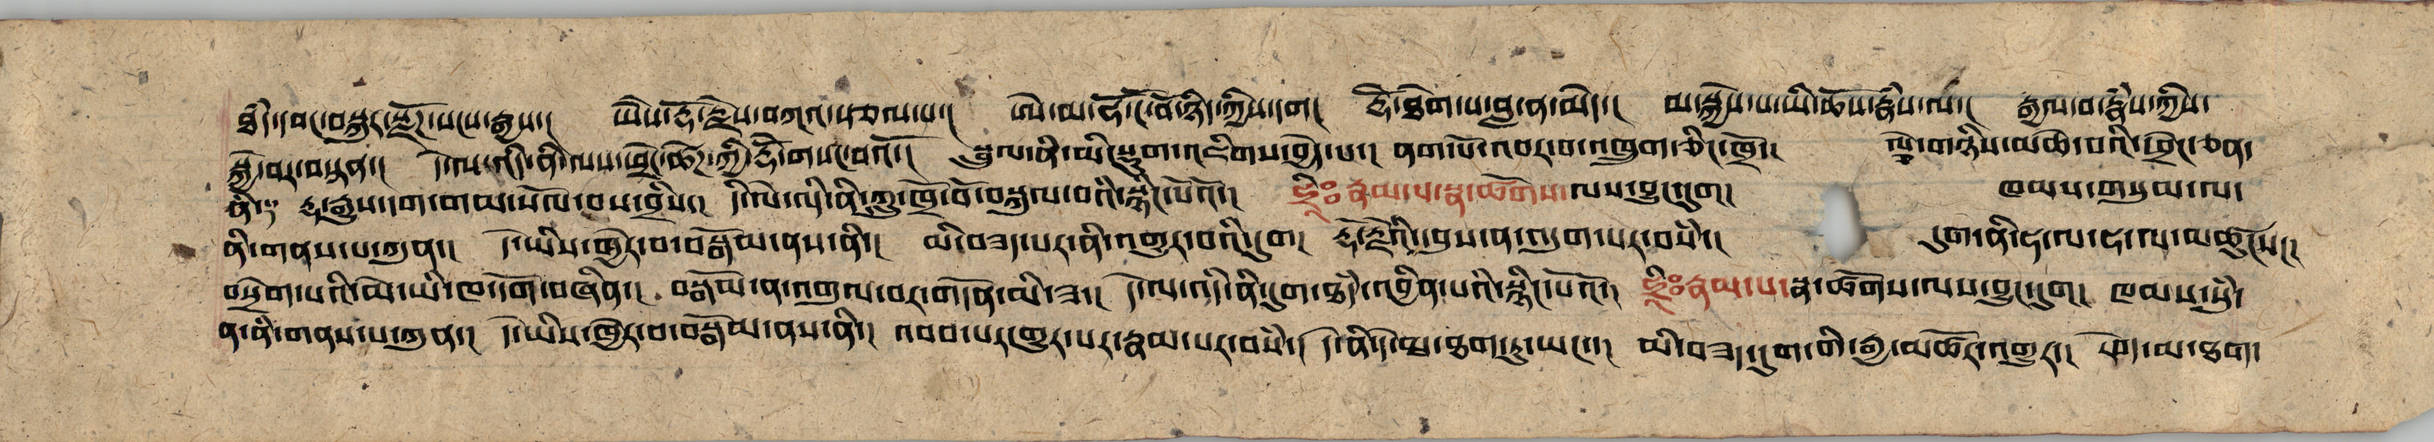ཐཾད་དབང་བསྐུར་སྫོཌ་སངས་རྒྱས་། ཡཻས་རྡོ་རྗེས་བཀའ་སྩལ་པ་། ཨེ་མ་ཧོ་ངོ་བོ་ཉིད་ཀྱིས་དག། རྡོེ་ཐེག་པ་བླ་ན་མེད་། མ་སྐྱེས་པ་ཡི་ཆོས་རྣཾས་ལ་། རྒྱལ་བ་རྣཾས་ཀྱིས་
སྐྱེ་བར་བསྟན་། དེ་ལ་འདི་ནི་ལས་ཕྲེང་ཚེཌ་ཀྱི་རྡོེ་གསང་བའོ་། སྦྲུལ་ནི་མི་སྡུག་འཇིགས་བྱེད་པ་། ནག་པོ་འབར་བ་འཁྲུག་ཅིང་ཁྲོ་། ལྕེ་གཉིས་མཆེ་བའི་ཕྲེང་ཅན་
ནི༑ རྡ་རྒྱུས་དག་གམ་སོལ་བས་བྲིས་། དི་ལེ་འདི་ནི་ཀླུ་ཁྲོ་བོ་བསྐུལ་བའི་སྙིང་པོའོ་། ཧྲཱིཿ རྣམ་པ་སྣ་ཚོགས་ལས་བྱུང་དུག། ཁམས་གསུམ་ལ་
ནི་གནས་པ་ཀུན་། དེ་ཡིས་ཁྱེར་བ་བསྒོམ་ནས་ནི་། མི་བཟད་པར་ནི་འགྱུར་བའི་དུག། རྡོ་རྗེའི་དབུས་ན་འདུག་པར་བསཾ་། དུག་ནི་ཧ་ལ་ཧ་ལ་མཚུངས
བསྲེག་པའི་མེ་ཡི་ཁ་དོག་བཞིན་། བསྒོམ་ན་འགུལ་བར་གདོན་མི་ཟ་། དེ་ལ་འདི་ནི་དུག་ཐཾད་འབྱིན་པའི་སྙིང་པོའོ་། ཧྲིཿརྣམ་པ་སྣ་ཚོགས་ལས་བྱུང་དུག། ཁམས་སུཾ་
ན་ནི་གནས་པ་ཀུན་། དེ་ཡིས་ཁྱེར་བ་བསྒོམ་ནས་ནི་། འབབ་པར་གྱུར་པར་རྣམ་པར་བསཾ་། དེ་ནི་དེ་མ་ཐག་ཏུ་ཡང་་། མི་བཟད་དུག་གི་རྒྱ་མཚོར་འགྱུར་། རེག་མ་ཐག་